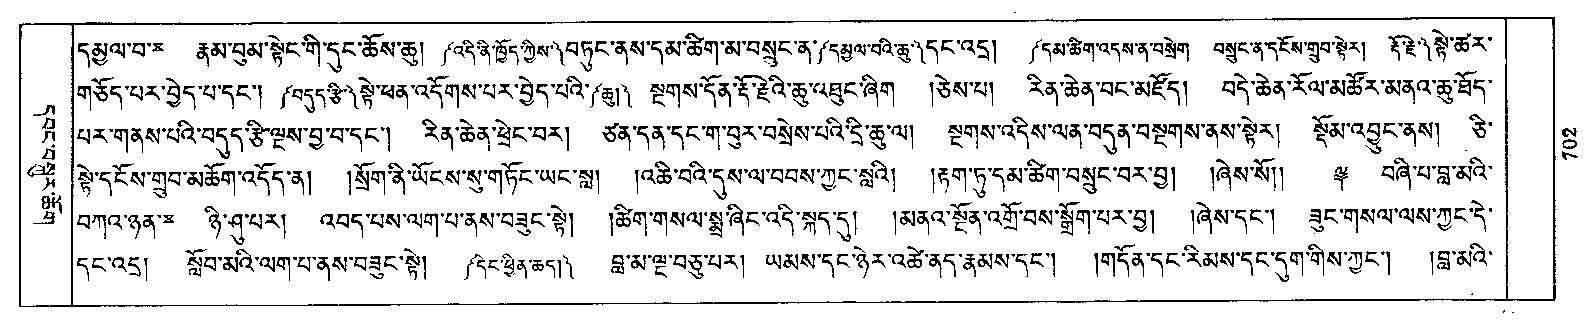དམྱལ་བ་྾་རྣམ་བུམ་སྟེང་གི་དུང་ཆོས་ཆུ། ༼འདི་ནི་ཁྱོད་ཀྱིས྄་བཏུང་ནས་དམ་ཚིག་མ་བསྲུང་ན་༽དམྱལ་བའི་ཆ྄ུ་དང་འདྲ། དམ་ཚིག་འདས་ན་བསྲེག་བསྲུང་ན་དངོས་གྲུབ་སྟེར། རྡོ་རྗ྄ེ་སྟེ་ཚར་
གཅོད་པར་བྱེད་པ་དང་། ༼བདུད་རྩ྄ི་སྟེ་ཕན་འདོགས་པར་བྱེད་པའི་༽ཆུ།?་སྔགས་དོན་རྡོ་རྗེའི་ཆུ་འཐུང་ཞིག །ཅེས་པ། རིན་ཆེན་བང་མཛོད། བདེ་ཆེན་རོལ་མཚོར་མནའ་ཆུ་ཐོད་
པར་གནས་པའི་བདུད་རྩི་ལྔས་བྱ་བ་དང་། རིན་ཆེན་ཕྲེང་བར། ཙན་དན་དང་ག་བུར་བསྲེས་པའི་དྲི་ཆུ་ལ། སྔགས་འདིས་ལན་བདུན་བསྔགས་ནས་སྟེར། སྡོམ་འབྱུང་ནས། ཅི་
སྟེ་དངོས་གྲུབ་མཆོག་འདོད་ན། །སྲོག་ནི་ཡོངས་སུ་གཏོང་ཡང་སླ། །འཆི་བའི་དུས་ལ་བབས་ཀྱང་སླའི། །རྟག་ཏུ་དམ་ཚིག་བསྲུང་བར་བྱ། །ཞེས་སོ།། ༈ བཞི་པ་བླ་མའི་
བཀའ་ཉན་྾་ཉི་ཤུ་པར། འབད་པས་ལག་པ་ནས་བཟུང་སྟེ། །ཚིག་གསལ་སྨྲ་ཞིང་འདི་སྐད་དུ། །མནའ་སྔོན་འགྲོ་བས་སྒྲོག་པར་བྱ། །ཞེས་དང་། ཟུང་གསལ་ལས་ཀྱང་དེ་
དང་འདྲ། སློབ་མའི་ལག་པ་ནས་བཟུང་སྟེ། དེང་ཕྱིན་ཆད།?་བླ་མ་ལྔ་བཅུ་པར། ཡམས་དང་ཉེར་འཚེ་ནད་རྣམས་དང་། །གདོན་དང་རིམས་དང་དུག་གིས་ཀྱང་། །བླ་མའི་